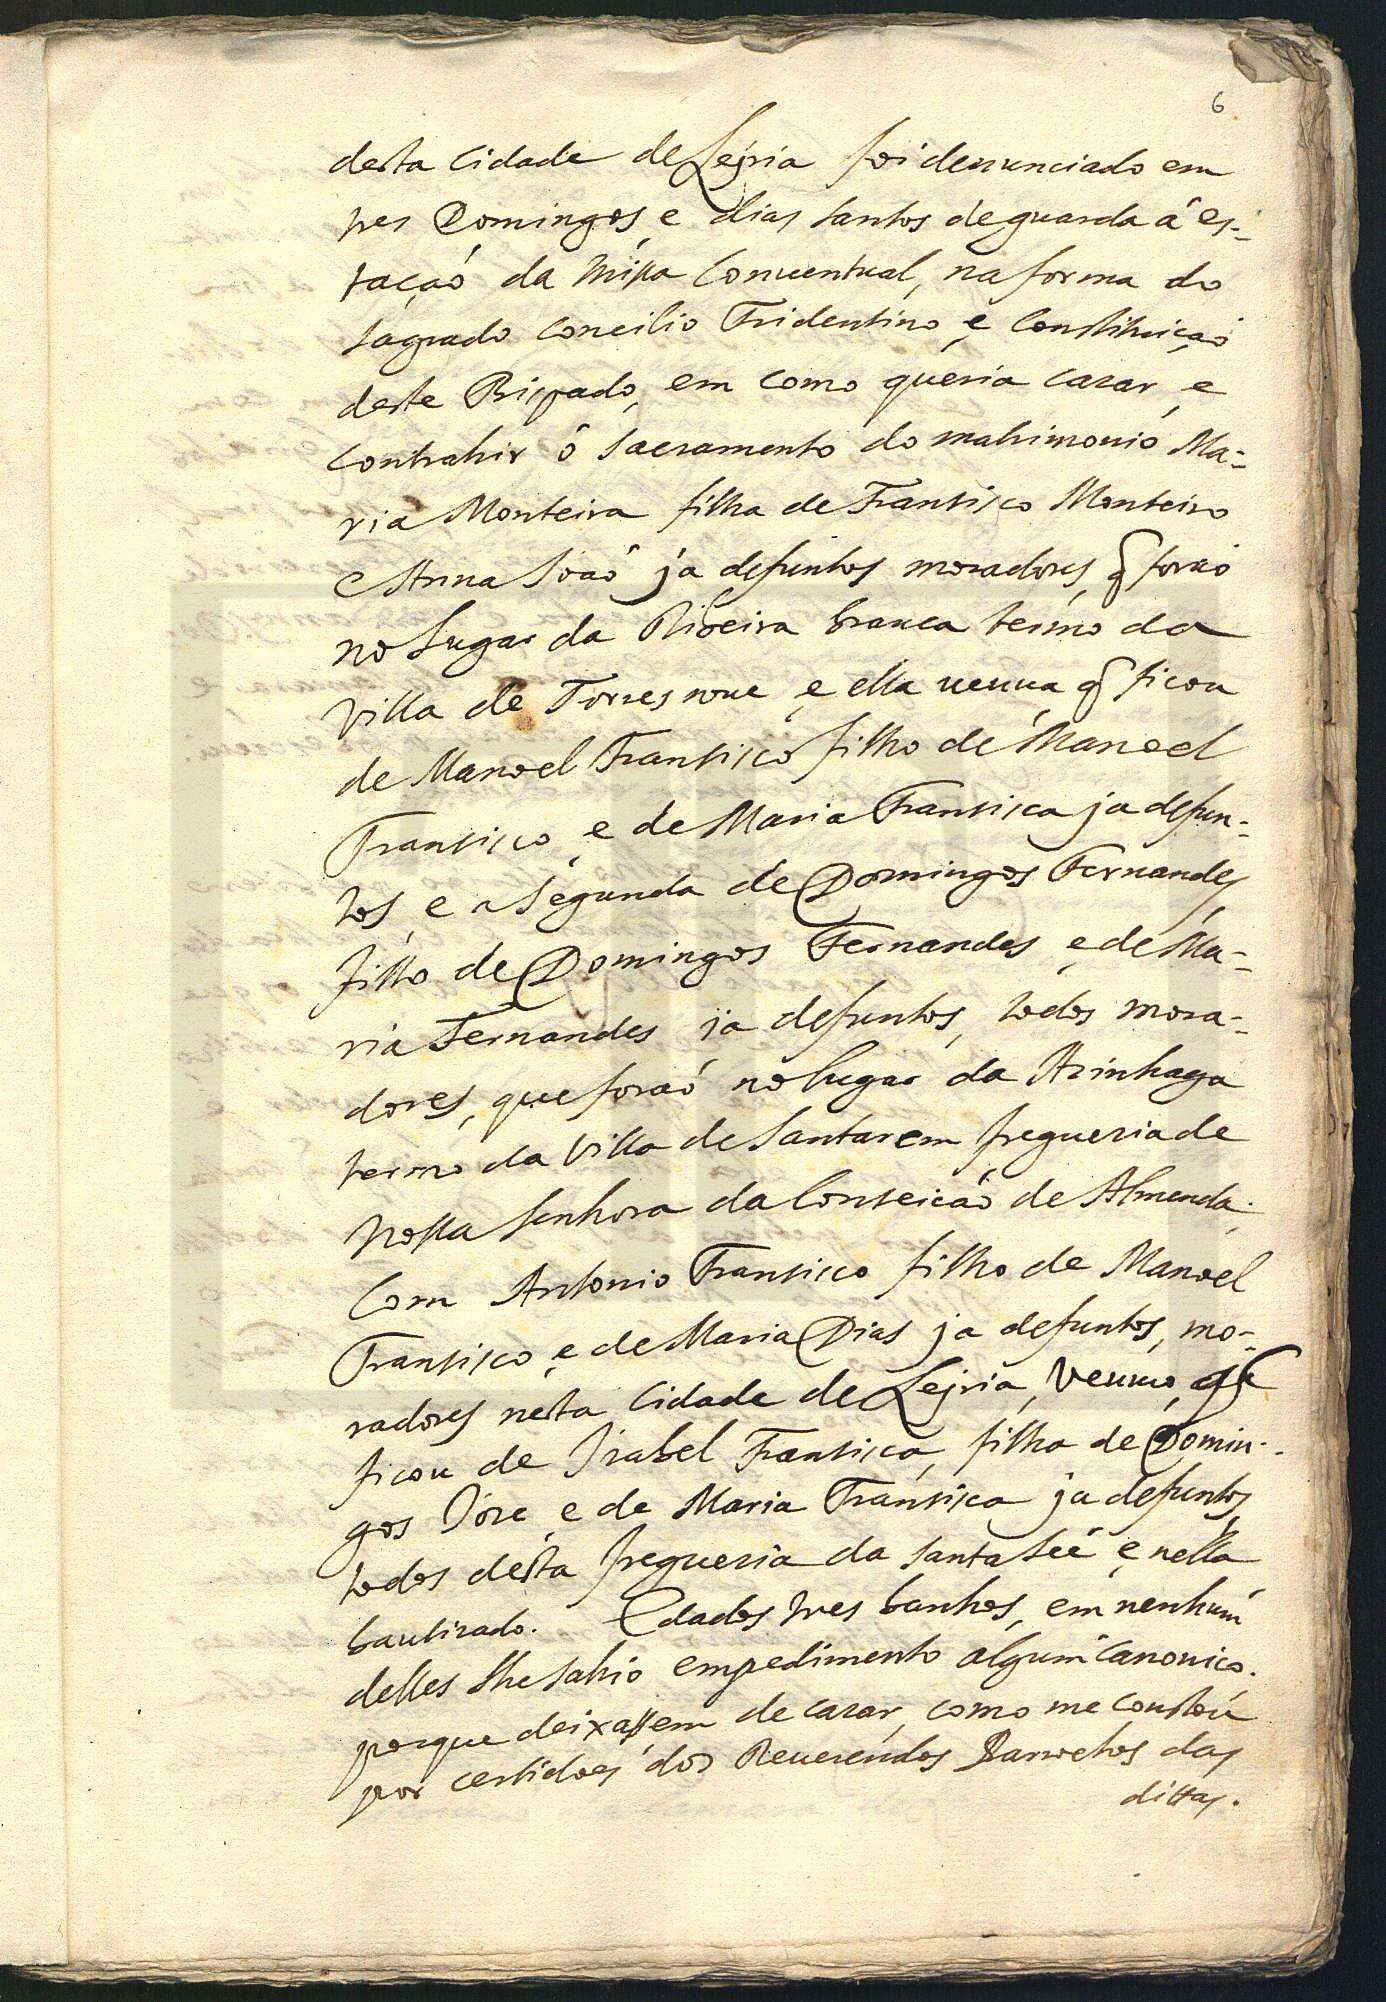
desta cidade de Lejria foi denunciado em
tres Domingos, e dias santos de guarda á es
tação da missa Conuentual, na forma do
sagrado concilio Tridentino, e constituiçaõ
deste Bispado, em como queria cazar, e
contrahir ó sacramento do matrimonio Ma
ria Monteira filha de Francisco Monteiro
e Anna Joaõ ja defuntos moradores, q̄ foraõ
no Lugar da Ribeira branca termo da
villa de Torres noua, e ella ueuua q̄ ficou
de Manoel Francisco filho de Manoel
Francisco, e de Maria Francisca ja defun
tos, e a segunda de Domingos Fernandes,
filho de Domingos Fernandes, e de Ma
ria Fernandes ia defuntos, todos mora
dores, que foraõ no lugar da Azinhaga
termo da villa de Santarem freguezia de
nossa Senhora da Conseicaõ de Almenda
Com Antonio Francisco filho de Manoel
Francisco, e de Maria Dias ja defuntos, mo
radores nesta Cidade de Lejria, veuuo, q̄
ficou de Izabel Francisca, filha de Domin
gos Ioze, e de Maria Francisca ja defuntos
todos desta freguezia da santa seé, e nella
bautizado. E dados tres banhos, em nenhum
delles lhe sahio empedimento algum canonico.
porque deixassem de cazar, como me constou
por certidoes dos Reuerendos Parrochos das
dittas.
